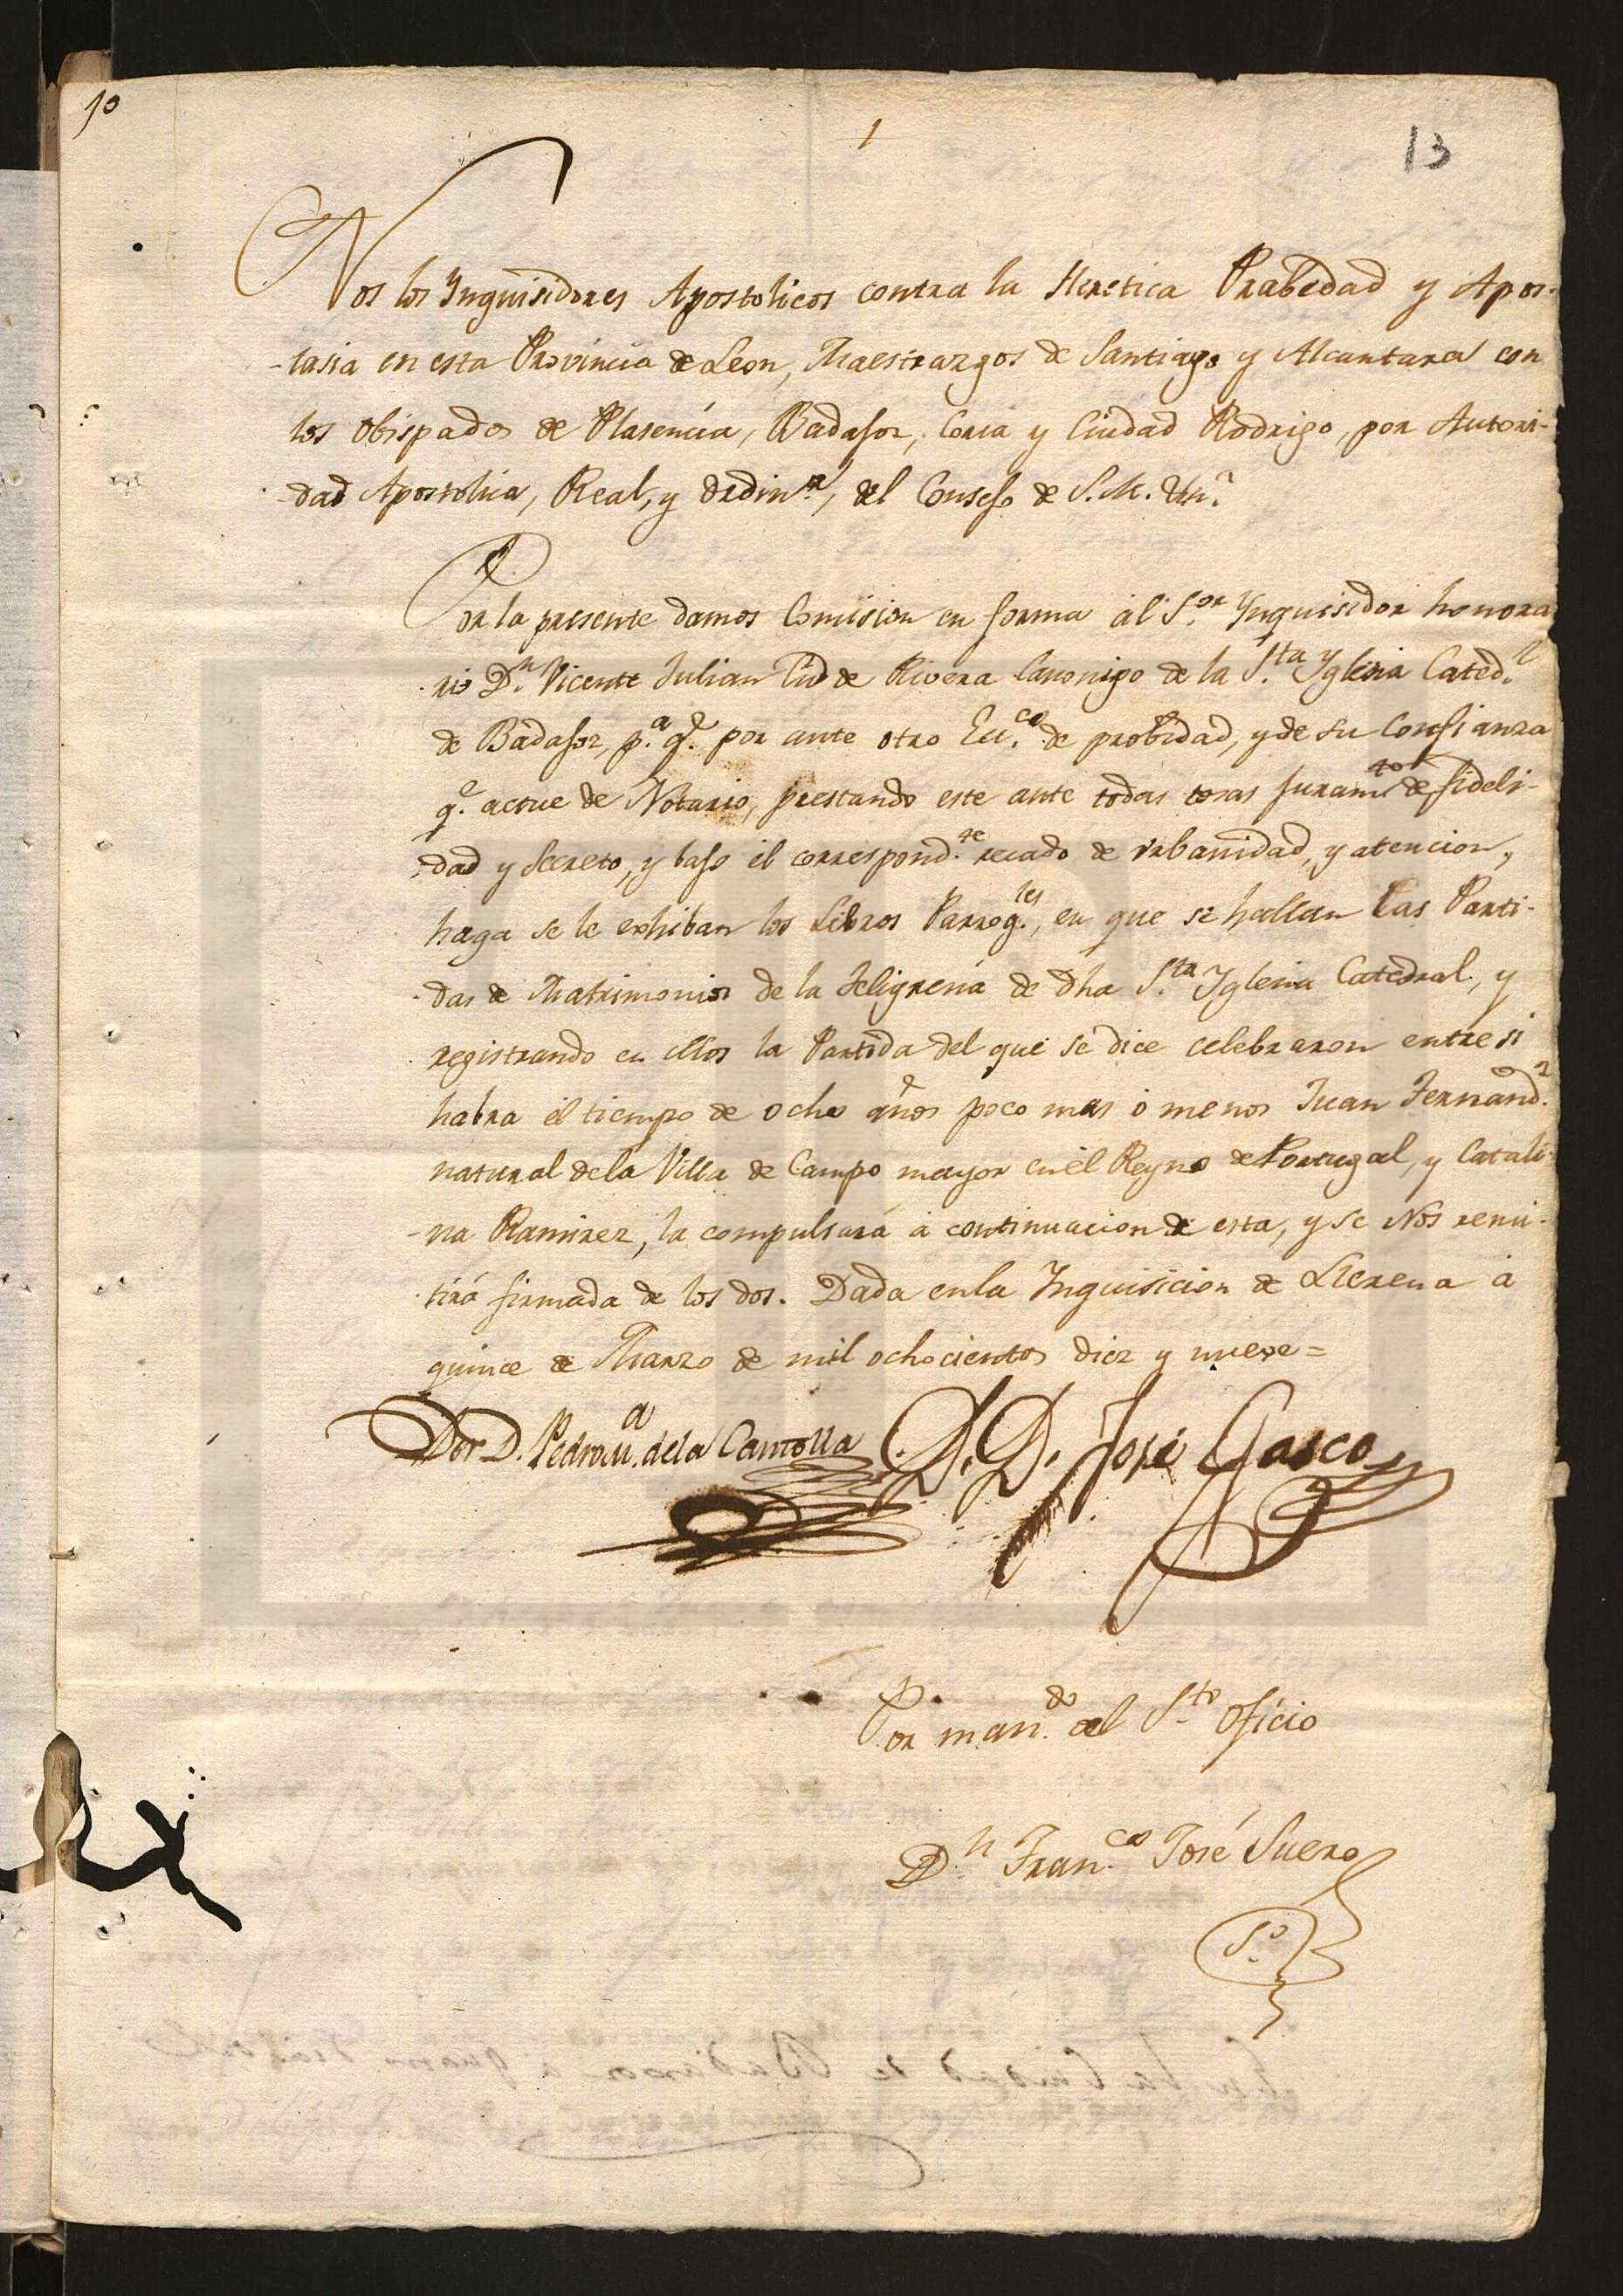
Nos los Inquisidores Apostolicos contra la Heretica Prabedad y Apos
tasia en esta Provincia de Leon, Maestrazgos de Santiago y Alcantara con
los obispados de Plasencia, Badajoz; Coria y Ciudad Rodrigo, por Autori
dad Apostolica, Real, y Ordin.a, del Consejo de S. M. &c.a
Por la presente damos Comission en forma al S.or Ynquisidor honora
rio D.n Vicente Iulian Cid de Rivera Canonigo de la S.ta Yglesia Cated.l
de Badajoz, p.a q.e por ante otro Ecc.co de probidad, y de su confianza
q.e actue de Notario, prestando este ante todas cosas Juramto de fideli
dad y secreto, y bajo il correspond.te recado de vrbanidad, y atencion,
haga se le exhiban los Libros Parroq.les, en que se hallan las Parti
das de Matrimonios de la Feligresia de dha S.ta Iglesia Catedral, y
registrando en ellos la Partida del que se dice celebraron entre si
habra el tiempo de ocho años poco mas o menos Iuan Fernand.z
natural de la Villa de Campo mayor en el Reyno de Portugal, y Catali
na Ramirez, la compulsará a continuacion de esta, y se Nos remi
tirá firmada de los dos. Dada en la Ynquisicion de Llerena a
quince de Marzo de mil ochocientos diez y nueve
Dor D. Pedro M.a dela Cantolla
D. D. José Gasco
Por man.do del S.to oficio
D.n Fran.co Iozé Suero
